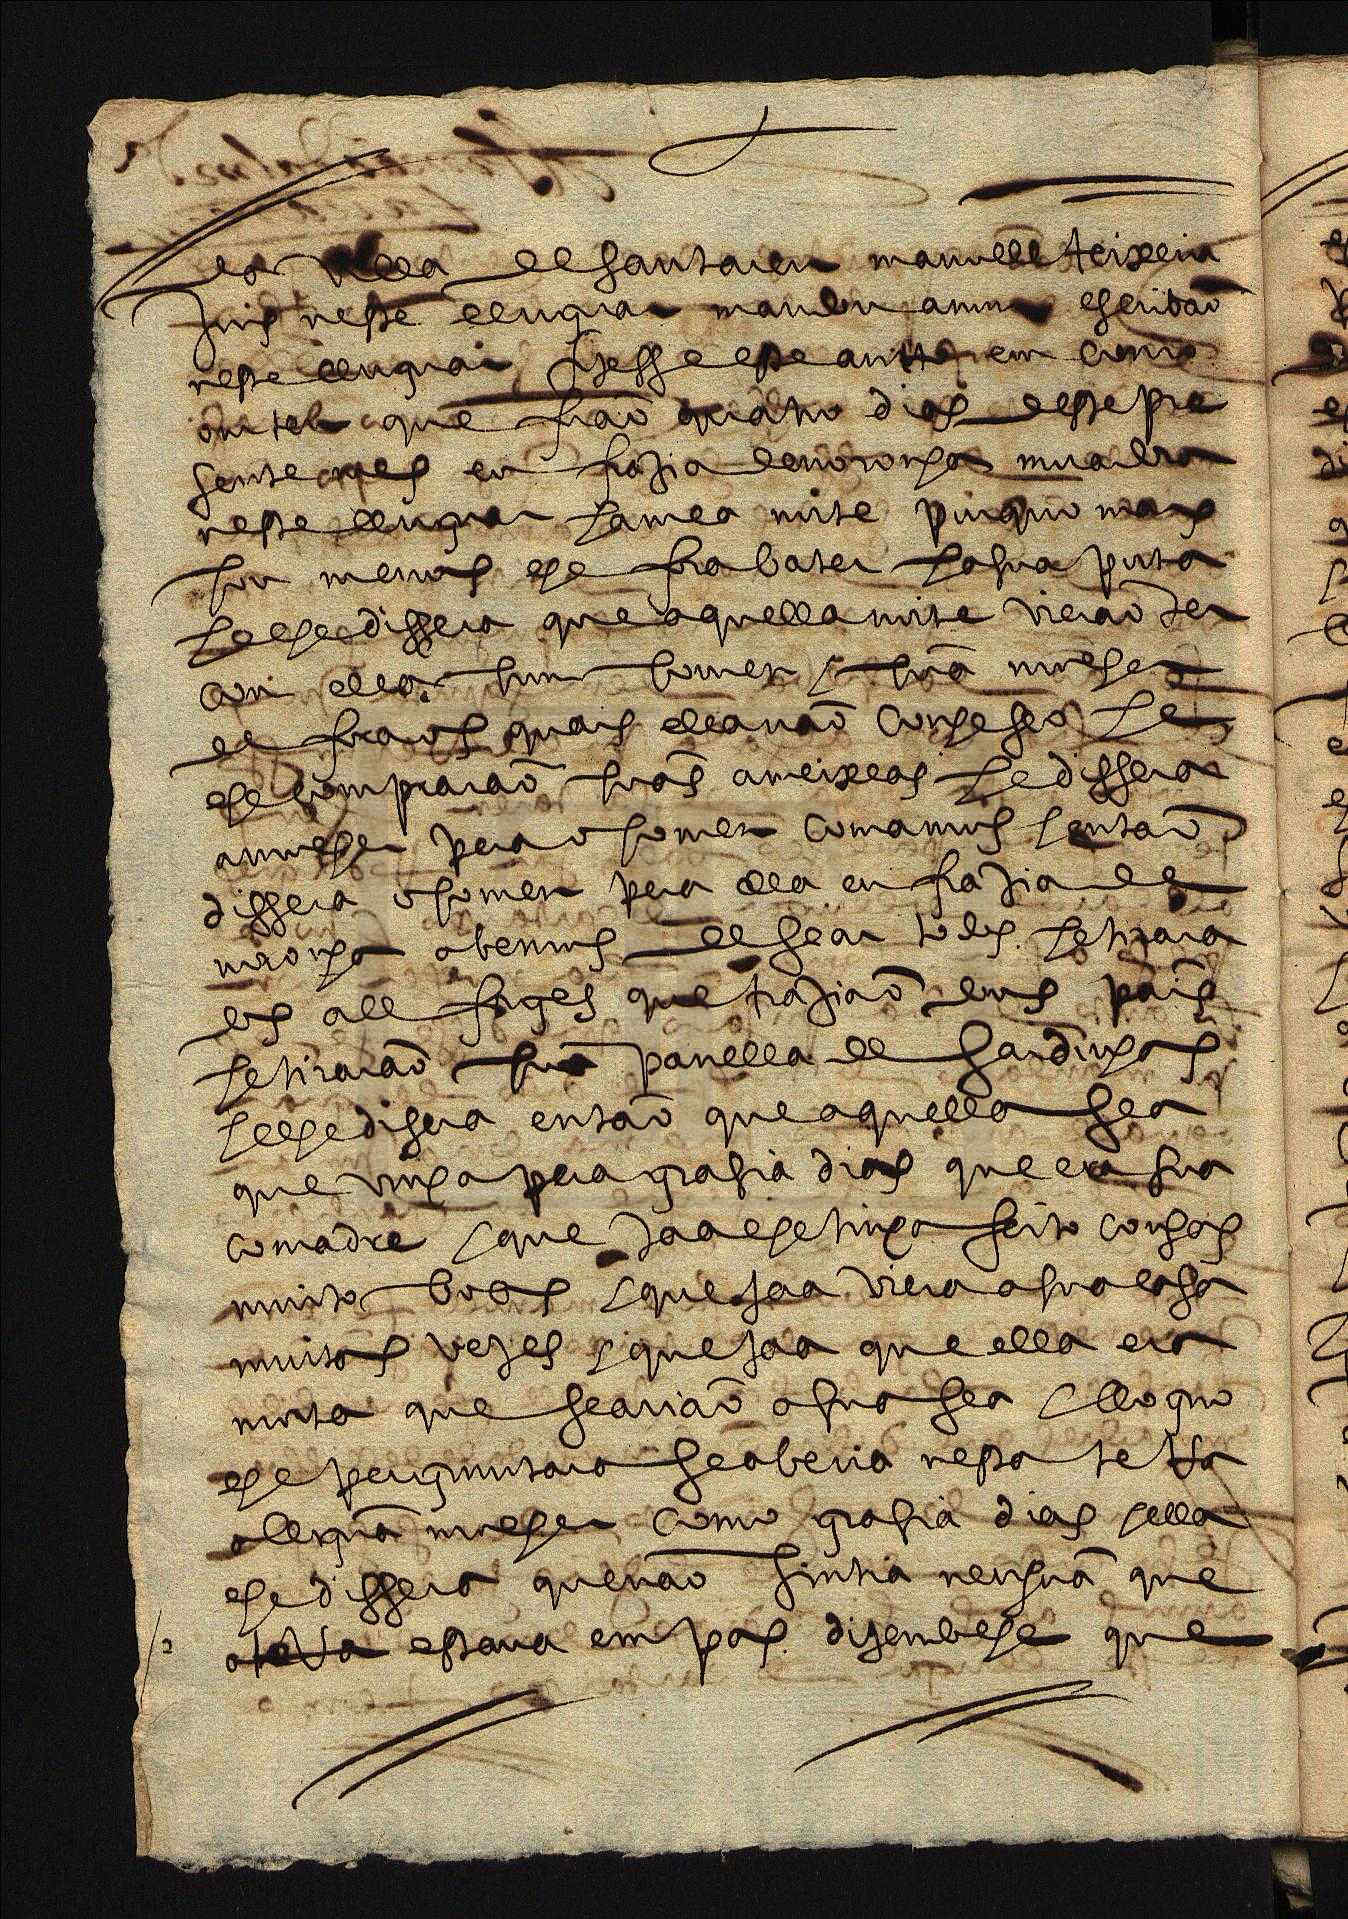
da villa de santarem manoell teixeir
Juis neste lluguar mandou a mim escrivaõ
neste lluguar fisesse este autterem como
omtem que foraõ quatro dias deste pre
sente mes eufrazia de noronha moradora
neste lluguar ha mea noite pouquo mais
hou menos lhe fora bater ha sua porta
he lhe dissera que aquella noite vieraõ ter
con ella hum homem e huā molher
de fora os quais ella naõ conheseo he
lhe compraraõ huās ameixeas he dissera
a molher pera o homem comamos e entaõ
dissera o homem pera ella eufrasia de
noronha abemos de sear todos he tirara
dos allforges que traziaõ dous paĩs
he tiraraõ huā panella de sardinhas
he lhe disera entaõ que aquella sea
que vinha pera grasia dias que era sua
comadre E que Jaa lhe tinha feito cousas
muito boas E que Jaaa viera a sua casa
muitas veses E que Jaa que ella era
morta que seariaõ a sua sea E lloguo
lhe pergumtara se aberia nesta teRa
allguā molher como grasia dias e ella
lhe dissera que não sintia nenhuā que
_ estaua em pas. dizendolhe que
